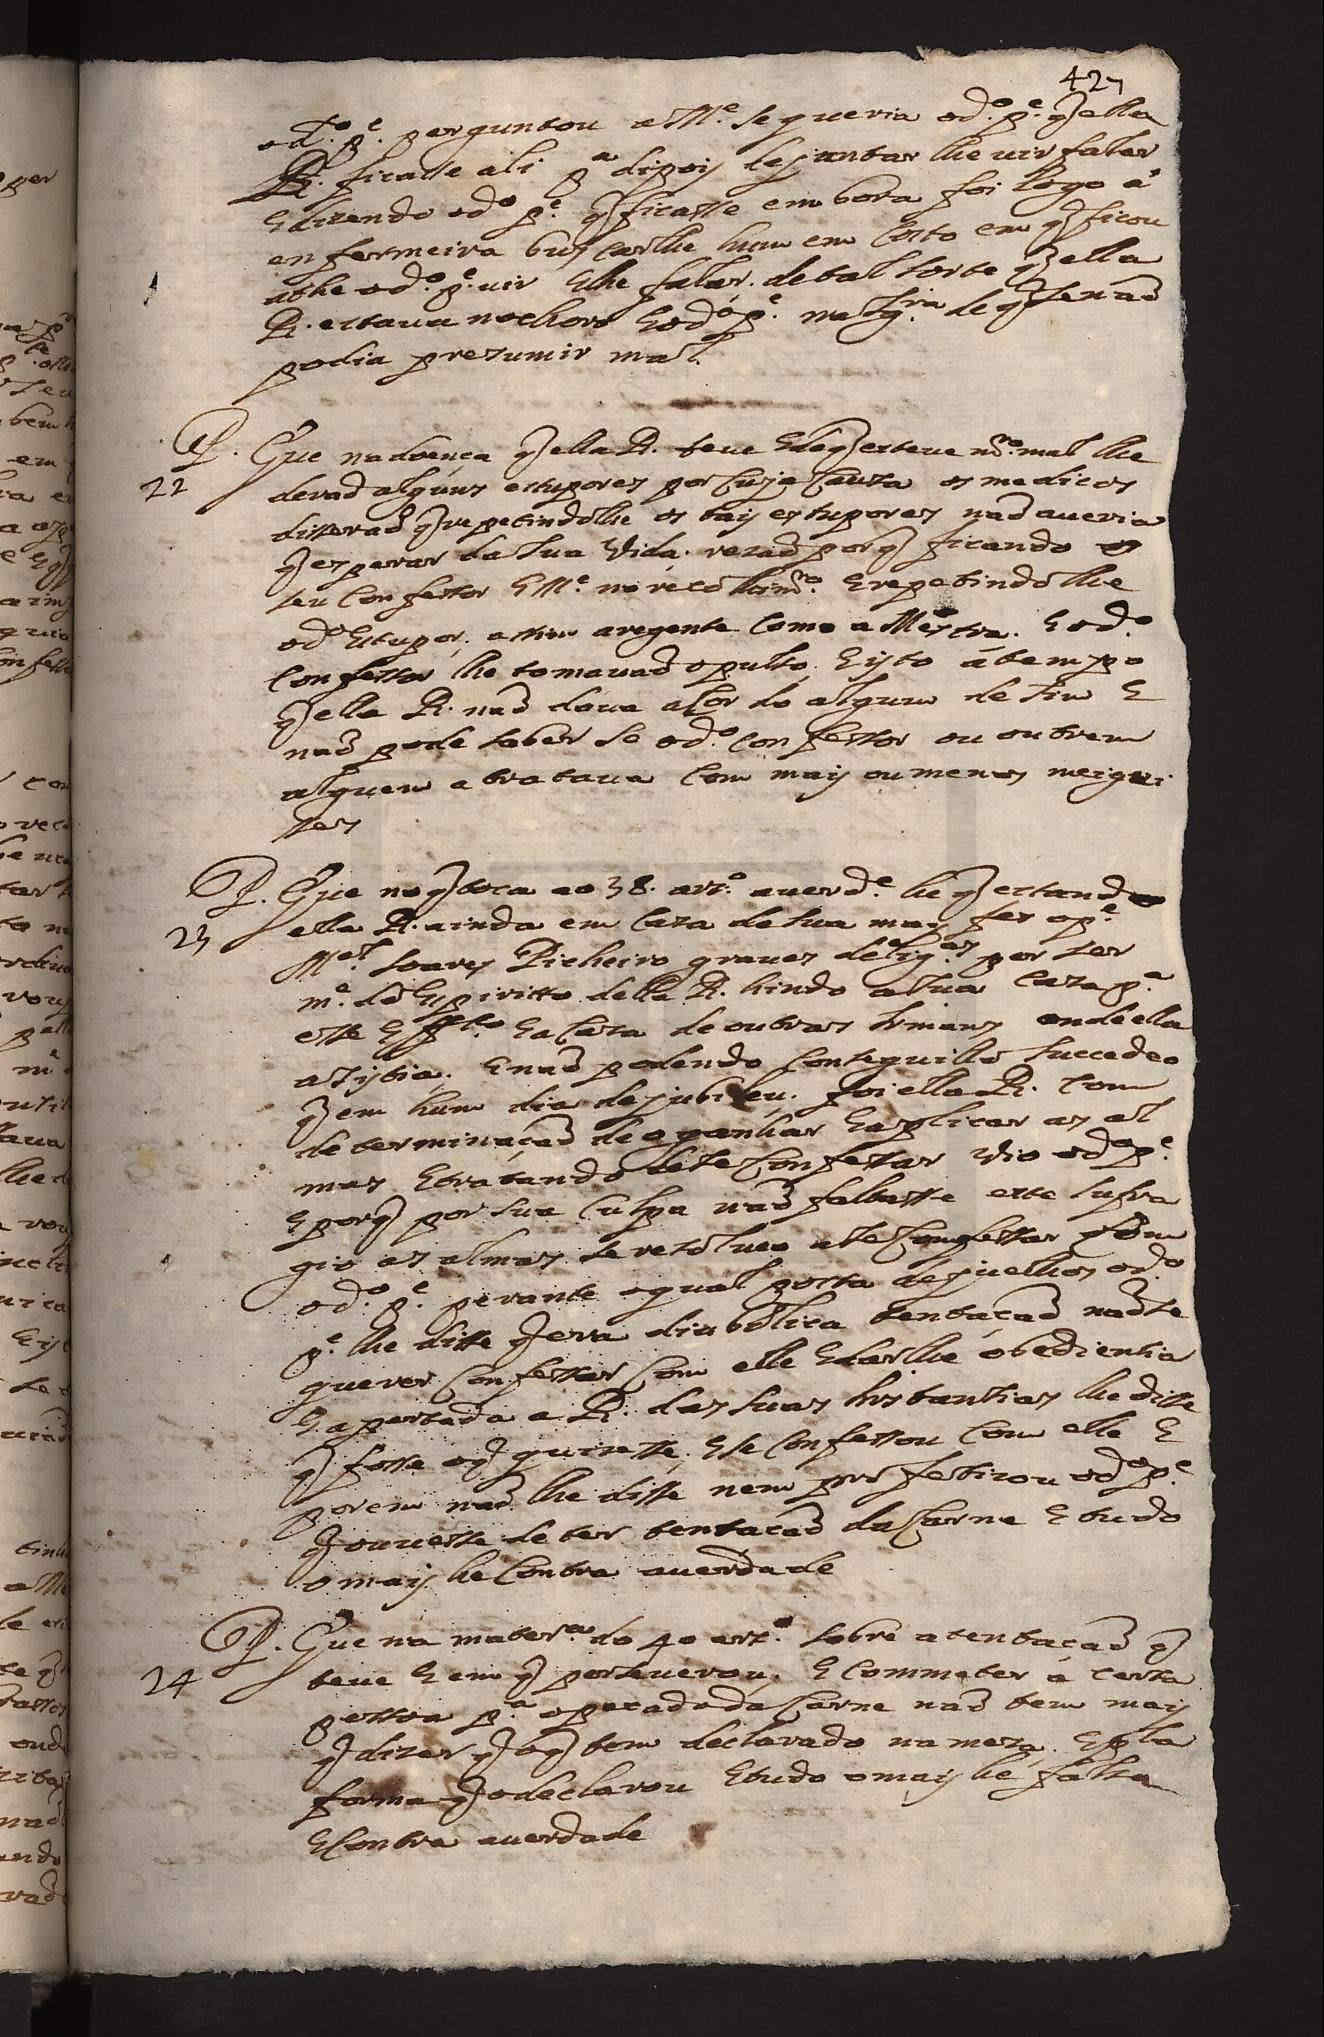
427
o d̄.o p.e perguntou a M.e se queria o d.o p.e q̄ ella
R. ficasse ali pa dipois de jantar lhe uir falar
E dizendo o d.o p.a q̄ ficasse embora foi logo a
enfermeira buscarlhe hum emCosto em q̄ ficou
athe o d.o p.a uir E lhe falar de tal sorte q̄ ella
R. estaua no choro E o d.o p.e na Igra. de q̄ se naõ
podia presumir mal
P. Que no doença q̄ ella R. teue E de q̄ estaua m.to mal lhe
davaõ alguns estupores por Cuja Cauza os medicos
22
disseraõ q̄ repetindolhe os tais estupores naõ aueria
q̄ esperar da sua Vida rezaõ porq̄ ficando o
seu Confessor E M.e no recolhim.to E repetindolhe
o do Estupor; assim a regente como a Mestra. E o d.o
Confessor lhe tomauaõ o pulso E isto a tempo
q̄ ella R. naõ daua aCordo algum de sim E
naõ pode saber se o d.o confessor ou outrem
alguem a trataua com mais ou menos meigui
sses
P. Que no q̄ toca ao 38. art.o a uerd.e he q̄ estando
ella R. ainda em Caza de sua may fes o p.e
M.el soares Picheiro graues delig.as por ser
m.e do Espirito della R. hindo a sua caza p.a
esse Eff.to E a Caza de outras Irmans onde ella
asistia; E naõ podendo Conseguillo succedeo
q̄ em hum dia de jubileu; foi ella R. com
determinaçaõ de o ganhar E aplicar as al
mas E tratando de se Confessar vio o d.o p.e
E porq̄ por sua Culpa naõ faltasse este sufra
gio as almas se resolueo a se Confessar Com
o d.o p.e perante o qual posta da juelhos o d.o
p.e lhe disse q̄ era diabolica tentaçaõ naõ se
querer Confessar Com elle E darlhe obediencia
E apartada a R. das suas Instansias lhe disse
q̄ fosse o q̄ quizesse; E se Confessou com elle E
porem naõ lhe disse nem profetizou o do p.e
q̄ ouuesse de ter tentaçaõ da Carne E tudo
o mais he Contra a uerdade
P. Que na mater.a do 4o art.o sobre a tentaçaõ q̄
teue E em q̄ perseuerou; E commeter a certa
pessoa p.a o pecado da Carne naõ tem mais
q̄ dizer q̄ o q̄ tem declarado na meza, E p̄la
forma q̄ o declarou E tudo o mais he falso
E Contra a uerdade.
